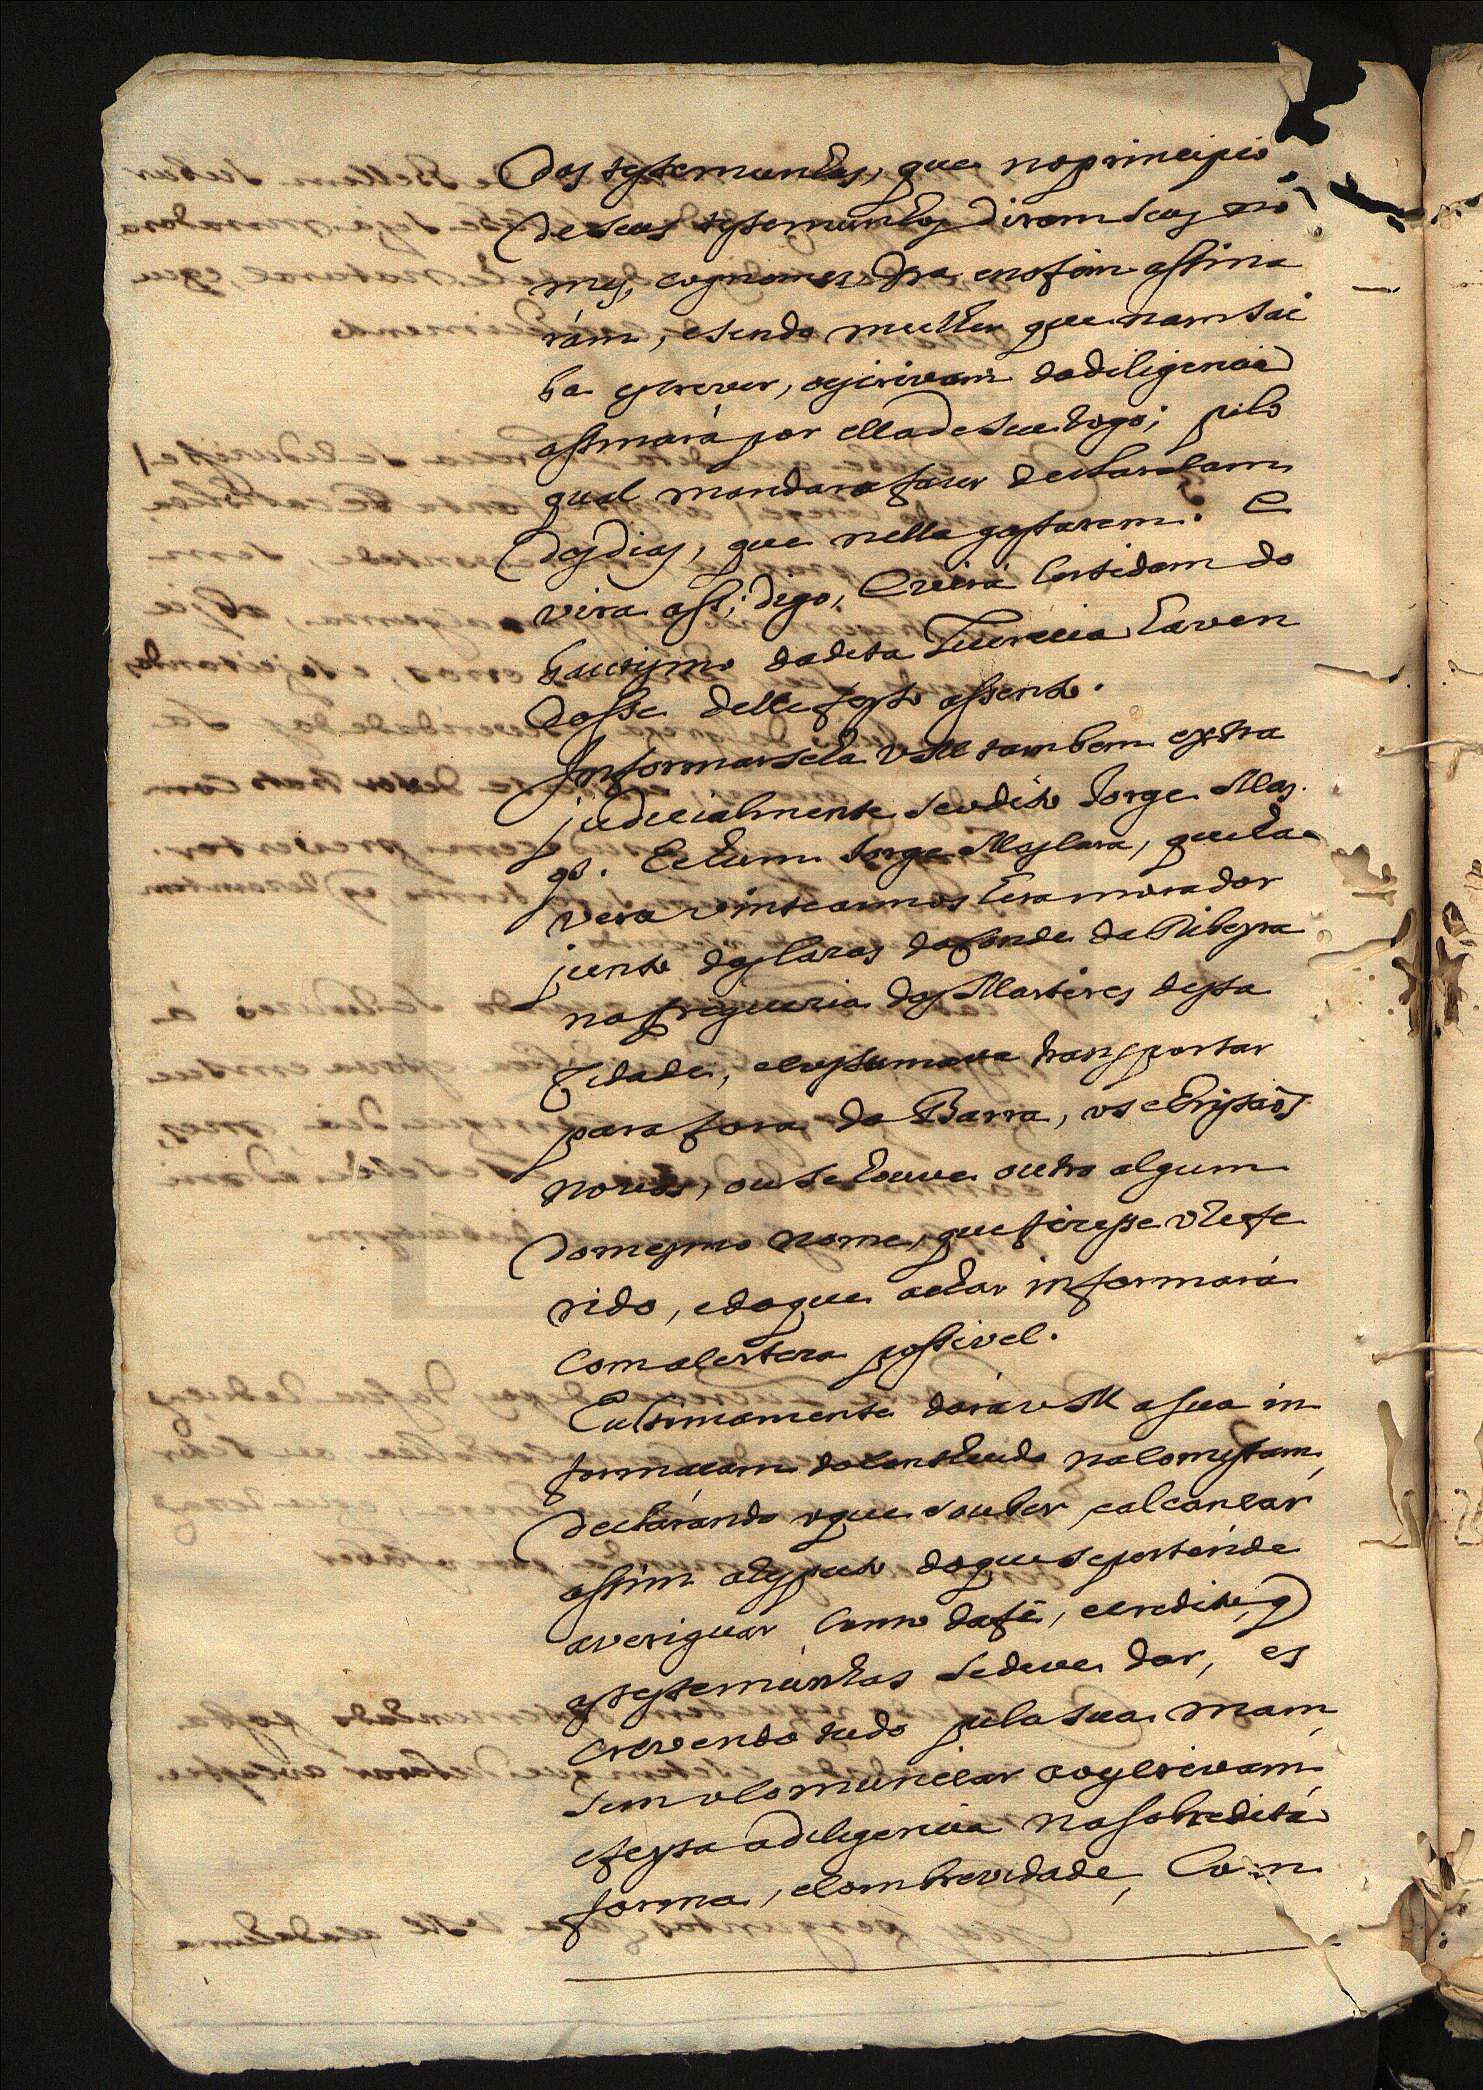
das testemunhas, que no principio
de seus testemunhos diram seus no
mes, cognomez &ra e no fim assina
rám, e sendo mulher que nam sai
ba escrever, o escrivam da diligencia
assinará por ella de seu Rogo; pelo
qual mandara fazer declaraçam
dos dias, que nella gastarem. E
vira assi digo, e virá Certidam do
bautismo da dita Lucrecia haven
dosse delle feyto assento.
Jnformarseha VM tambem extra
judicialmente se o dito Iorge Mas
qs. he hum Iorge Mascara, que ha
vera vinte annos hera morador
junto das Cazas do Conde da Ribeyra
na freguezia dos Martires desta
Cidade, e costumava transportar
para fora da Barra, os christaõs
novos, ou se houve outro algum
do mesmo nome, que fizesse o Refe
rido, e do que achar informará
com a certeza possivel.
E ultimamente dara vM a sua in
formaçam do contheudo na comissam,
declarando o que souber, e alcançar
assim a respeito do que se pertende
averiguar, como da fé, e credito q̄
as testemunhas se deve dar, es
crevendo tudo pela sua mam,
sem o comunicar ao escrivam,
e feyta a diligencia na sobredita
forma, e com brevidade, Com
